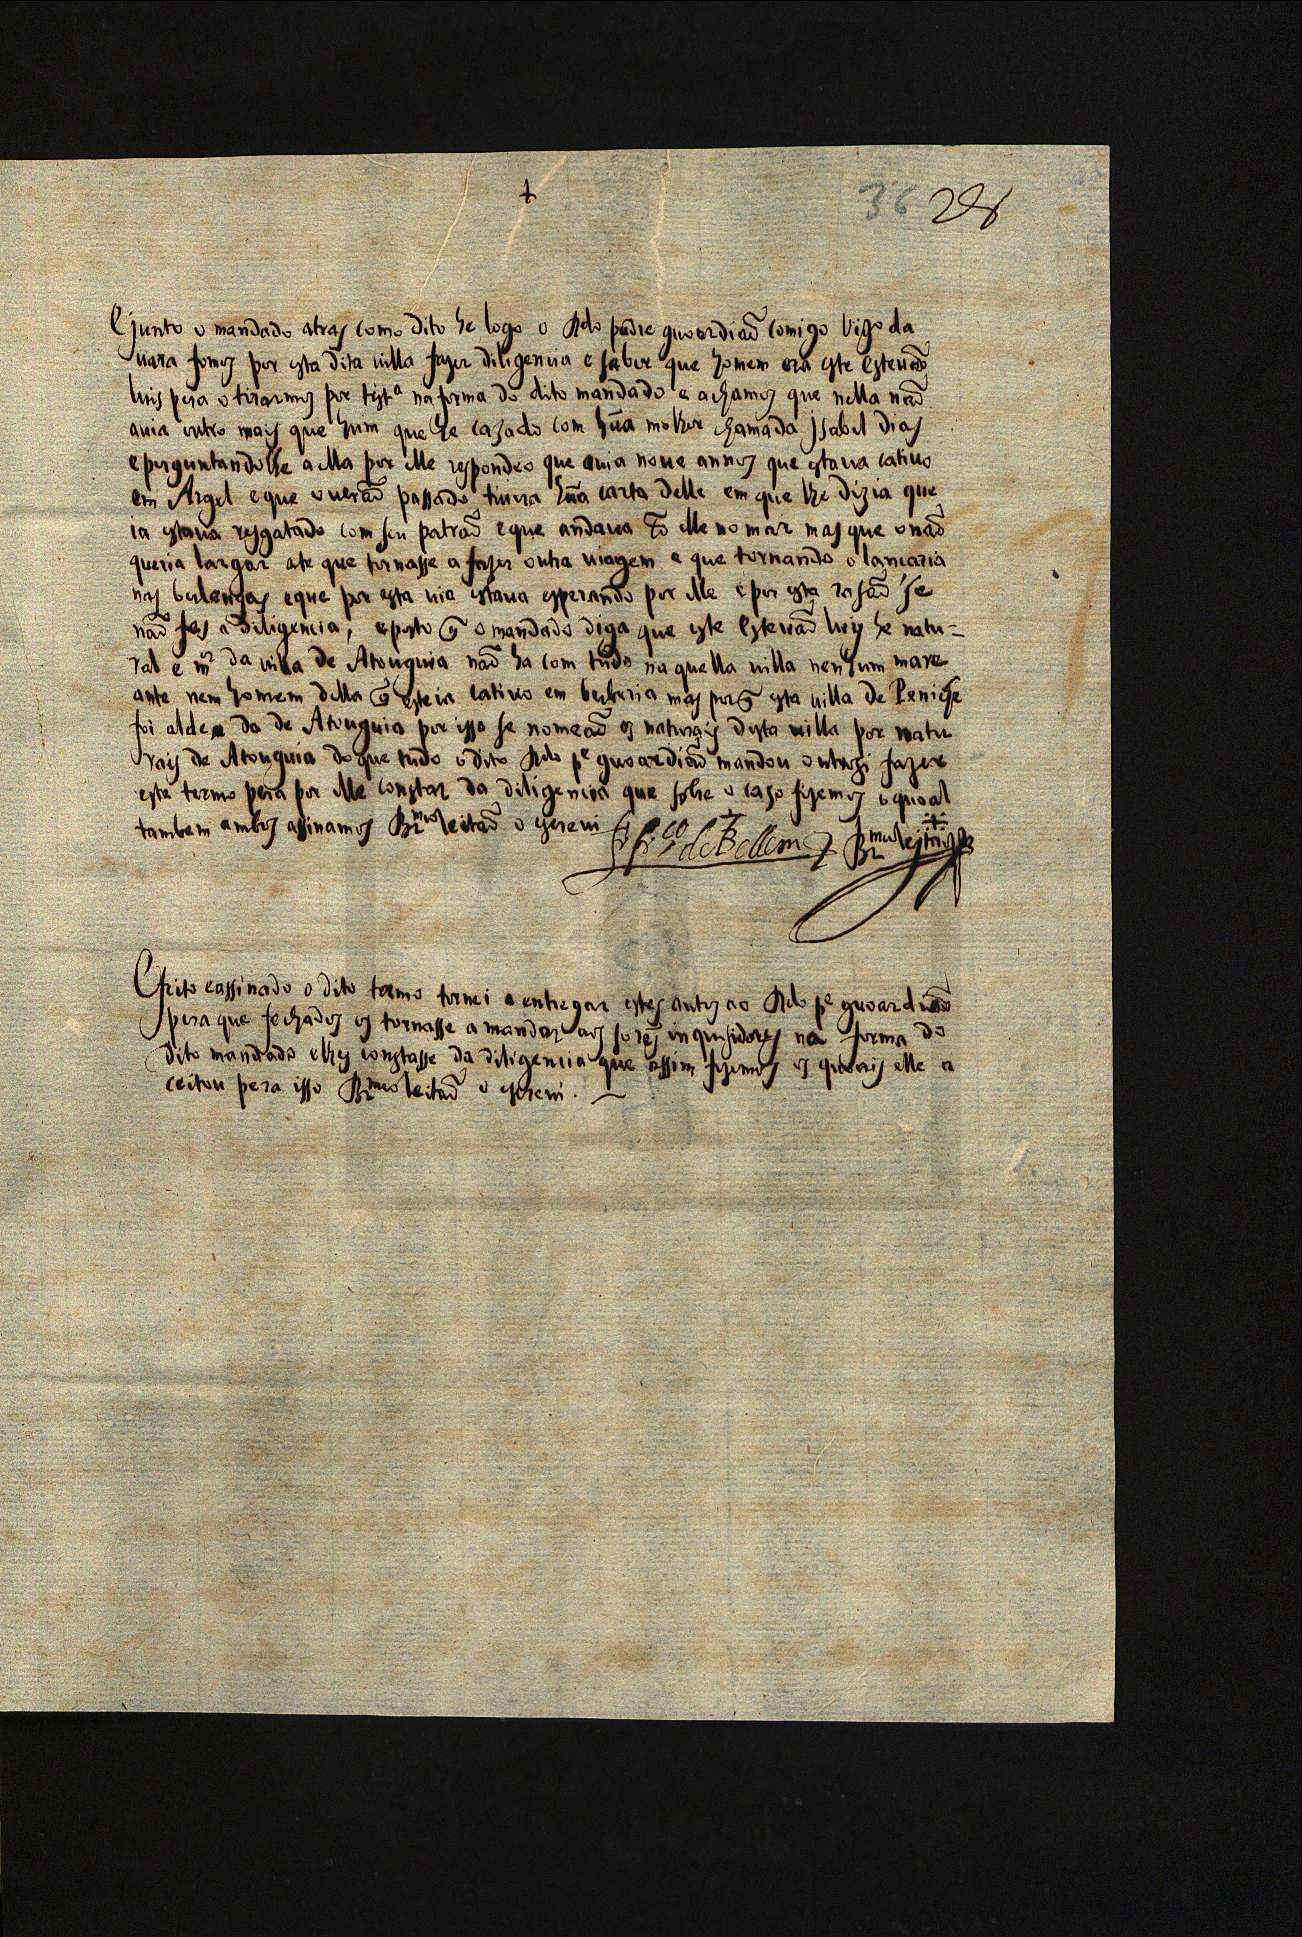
E junto o mandado atras como dito he logo o Rdo padre guoardiaõ comigo vigo da
uara fomos por esta dita uilla fazer deligencia e saber que homem era este esteuaõ
luis pera o tirarmos por testa na forma do dito mandado e achamos que nella naõ
auia outro mais que hum que he cazado com hūa molher chamada Jsabel dias
e perguntandolhe a ella por elle respondeo que auia noue annos que estaua catiuo
em Argel e que o verão passado tiuera hūa carta delle em que lhe dizia que
ia estaua resgatado com seu patraõ e que andaua cō elle no mar mas que o naõ
queria largar ate que tornasse a fazer outra uiagem e que tornando o lançaria
nas bulengas e que por esta uia estaua esperando por elle E por esta rasão se
naõ fes a diligencia, e posto q̄ o mandado diga que este esteuaõ luis he natu
ral e mor da uilla de Atouguia naõ ha comtudo naquella uilla nenhum mare
ante nem homem della q̄ esteia catiuo em berberia mas porq̄ esta uilla de Peniche
foi aldea da de Atouguia por isso se nomeaõ os naturais desta uilla por natu
rais de Atouguia do que tudo o dito Rdo pe guoardiaõ mandou outrosi fazer
este termo pera por elle constar da diligencia que sobre o caso fizemos o quoal
tambem ambos assinamos Brmeo leitaõ o escreui
E feito e assinado o dito termo tornei a entregar estes autos ao Rdo pe guoardiaõ
pera que fechados os tornasse a mandar aos sorēs inquisidores na forma do
dito mandado e lhes constasse da diligencia que assim fazemos os quoais elle a
ceitou pera isso Brmeo leitaõ o escreui.
